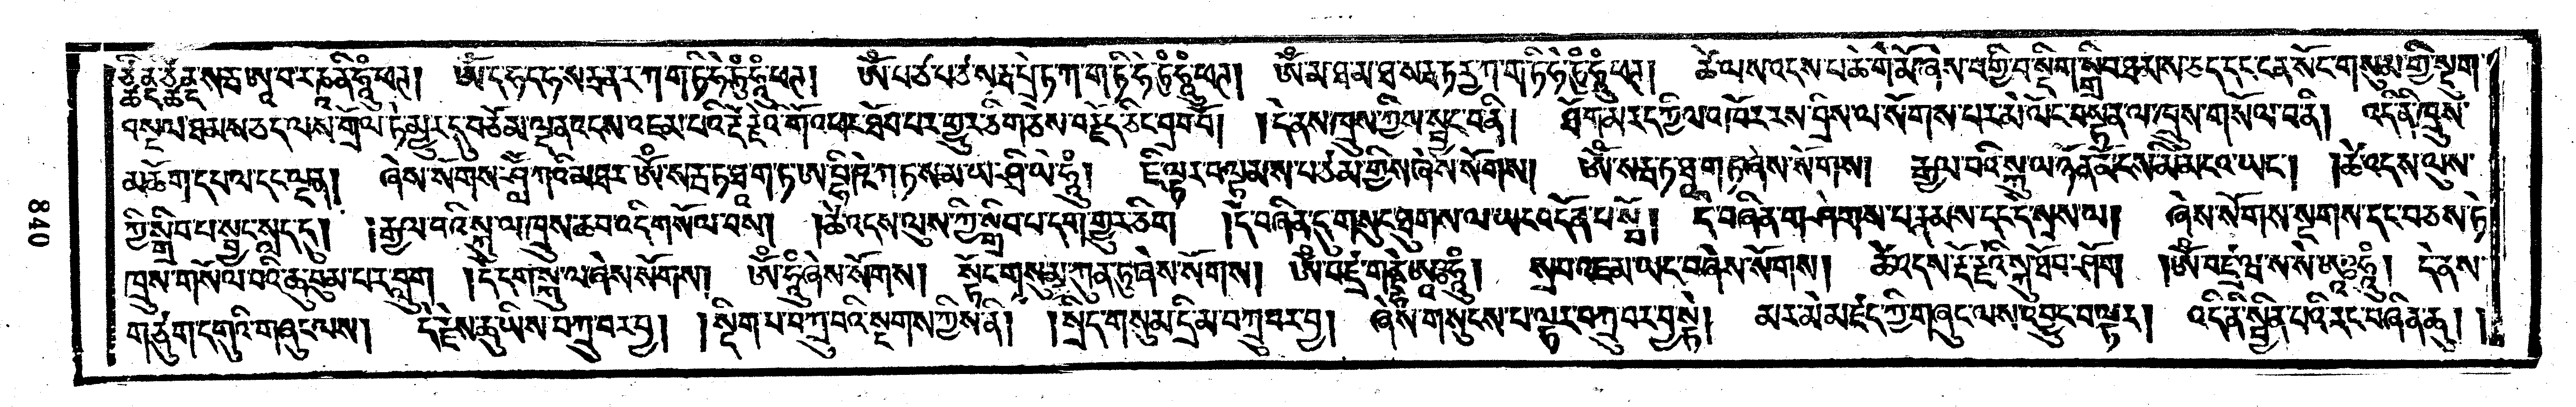ཙྪི་ནྡ་ཙྪི་ནྡ་སརྦ་ཨཱ་བ་ར་ཎཱ་ནི་ཧཱུཾ་ཕཊ། ཨོཾ་ད་ཧ་ད་ཧ་སརྦ་ན་ར་ཀ་ག་ཏི་ཧེ་ཏུཾ་ཧཱུཾ་ཕཊ། ཨོཾ་པ་ཙ་པ་ཙ་སརྦ་པྲེ་ཏ་ཀ་ག་ཏི་ཧེ་ཧཱུཾ་ཧཱུཾ་ཕཊ། ཨོཾ་མ་ཐ་མ་ཐ་སརྦ་ཏ་རྱ་ཀ་ག་ཏི་ཧེ་ཏུཾ་ཧཱུཾ་ཕཊ། ཚེ་ལས་འདས་པ་ཆེ་གེ་མོ་ཞེས་བགྱི་བ་སྡིག་སྒྲིབ་ཐམས་ཅད་དང་ངན་སོང་གསུམ་གྱི་སྡུག་
བསྔལ་ཐམས་ཅད་ལས་གྲོལ་ཏེ་མྱུར་དུ་བཅོམ་ལྡན་འདས་འཇམ་པའི་རྡོ་རྗེའི་གོ་འཕར་ཐོབ་པར་གྱུར་ཅིག་ཅེས་བརྗོད་ཅིང་བྲབ་བོ། །དེ་ནས་ཁྲུས་ཀྱིས་སྦྱང་བ་ནི། ཐོག་མར་དཀྱིལ་འཁོར་རས་བྲིས་ལ་སོགས་པར་མེ་ལོང་བསྟན་ལ་ཁྲུས་གསོལ་བ་ནི། འདི་ནི་ཁྲུས་
མཆོག་དཔལ་དང་ལྡན། ཞེས་སོགས་ཤླཽ་ཀའི་མཐར་ཨོཾ་སརྦ་ཏ་ཐཱ་ག་ཏ་ཨ་བྷི་ཥེ་ཀ་ཏ་ས་མ་ཡ་ཤི་ཡེ་ཧཱུཾ། ཇི་ལྟར་བལྟམས་པ་ཙམ་གྱིས་ཞེས་སོགས། ཨོཾ་སརྦ་ཐཱ་གཏ་ཞེས་སོགས། རྒྱལ་བའི་སྐུ་ལ་ཉོན་མོངས་མི་མངའ་ཡང་། །ཚེ་འདས་ལུས་
ཀྱི་སྒྲིབ་པ་སྦྱང་སླད་དུ། །རྒྱལ་བའི་སྐུ་ལ་ཁྲུས་ཆབ་འདི་གསོལ་བས། །ཚེ་འདས་ལུས་ཀྱི་སྒྲིབ་པད་གྱུར་ཅིག །དེ་བཞིན་དུ་གསུང་ཐུགས་ལ་ཡང་འདོན་པ་སྤོ། དེ་བཞིན་གཤེགས་པ་རྣམས་དང་དེ་སྲས་ལ། ཞེས་སོགས་སྔགས་དང་བཅས་ཏེ་
ཁྲུས་གསོལ་བའི་ཆུ་བུམ་པར་བླུག །དེ་དག་སྐུ་ལ་ཞེས་སོགས། ཨོཾ་ཧཱུཾ་ཞེས་སོགས། སྟོང་གསུམ་ཀུན་ཏུ་ཞེས་སོགས། ཨོཾ་བཛྲ་ག་ནྡྷེ་ཨཱཿཧཱུཾ། སྲབ་འཇམ་ཡང་བཞེས་སོགས། ཚེ་འདས་རྡོ་རྗེའི་སྐུ་ཐོབ་ཤོག །ཨོཾ་བཛྲ་ཝ་ས་སེ་ཨཱཿཧུཾ། དེ་ནས་
གཙུག་དགུའི་གཞུང་ལས། དེ་རྗེས་ཆུ་ཡིས་བཀྲུ་བར་བྱ། །སྡིག་པ་བཀྲུ་བའི་སྔགས་ཀྱིས་ནི། །སྲིད་གསུམ་དྲི་མ་བཀྲུ་བར་བྱ། ཞེས་གསུངས་པ་ལྟར་བཀྲུ་བར་བྱ་སྟེ། མར་མེ་མཛད་ཀྱི་གཞུང་ལས་འབྱུང་བལྟར། འདི་ནི་སྦྱིན་པའི་རང་བཞིན་ཆུ།